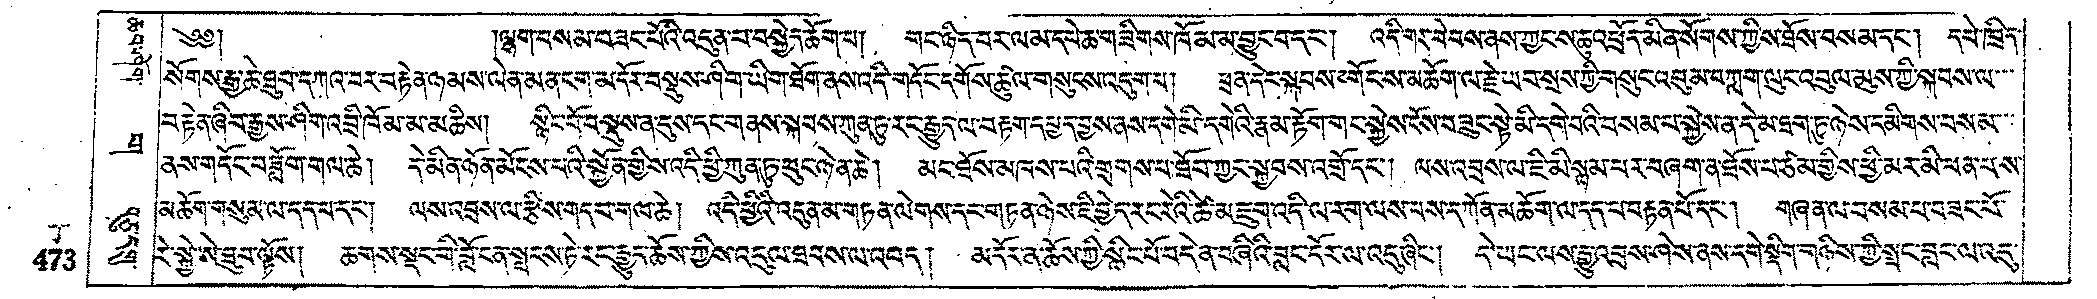༄༅། །ལྷག་བསམ་བཟང་པོའི་འདུན་པ་བསྐྱེད་ཆོག་པ། གང་ཉིད་བར་ལམ་དཔེ་ཆ་གཟིགས་ཁོམ་མ་བྱུང་བ་དང་། འདི་གར་ཕེབས་ནས་ཀྱང་ས་ཆུ་འཕྲོད་མིན་སོགས་ཀྱིས་ཐོས་བསམ་དང་། དཔེ་ཁྲིད་
སོགས་རྒྱ་ཆེ་ཐུབ་དཀའ་བར་བརྟེན་ཉམས་ལེན་མན་ངག་མདོར་བསྡུས་ཤིག་ཡིག་ཐོག་ནས་འདི་གདོང་དགོས་ཚུལ་གསུངས་འདུག་པ། ཕྲན་དེང་སྐབས ༧གོང་ས་མཆོག་ལ་རྗེ་ཡབ་སྲས་ཀྱི་གསུང་འབུམ་བཀླག་ལུང་འབུལ་མུས་ཀྱི་སྐབས་ལ་་་
བརྟེན་ཞིབ་རྒྱས་ཤིག་འབྲི་ཁོམ་མ་མཆིས། སྙིང་པོ་བསྡུས་ན་དུས་དང་གནས་སྐབས་ཀུན་ཏུ་རང་རྒྱུད་ལ་བརྟག་དཔྱད་བྱས་ནས་དགེ་མི་དགེའི་རྣམ་རྟོག་གང་སྐྱེས་ངོས་བཟུང་སྟེ་མི་དགེ་བའི་བསམ་པ་སྐྱེས་ན་དེ་མ་ཐག་ཏུ་ཉེས་དམིགས་བསམ་་་
ནས་གདོང་བཟློག་གལ་ཆེ། དེ་མིན་ཉོན་མོངས་པའི་སྐྱོན་གྱིས་འདི་ཕྱི་ཀུན་ཏུ་ཕུང་ཉེན་ཆེ། མང་ཐོས་མཁས་པའི་གྲགས་པ་ཐོབ་ཀྱང་སྐྱབས་འགྲོ་དང་། ལས་འབྲས་ལ་ཇི་མི་སྙམ་པར་བཞག་ན་ཐོས་པ་ཙམ་གྱིས་ཕྱི་མར་མི་ཕན་པས་
མཆོག་གསུམ་ལ་དད་པ་དང་། ལས་འབྲས་ལ་རྩིས་གདབ་གལ་ཆེ། འདི་ཕྱིའི་འདུན་མ་གཏན་ལེགས་དང་གཏན་ཉེས་ཇི་བྱེད་རང་རེའི་ཚེ་མཇུག་འདི་ལ་རག་ལས་པས་དཀོན་མཆོག་ལ་དད་པ་བརྟན་པོ་དང་། གཞན་ལ་བསམ་པ་བཟང་པོ་
རེ་སྐྱེ་ཨེ་ཐུབ་ལྟོས། ཆགས་སྡང་གི་བློ་ངན་སྤངས་ཏེ་རང་རྒྱུད་ཆོས་ཀྱིས་འདུལ་ཐབས་ལ་འབད། མདོར་ན་ཆོས་ཀྱི་སྙིང་པོ་བདེན་བཞིའི་བླང་དོར་ལ་འདུ་ཞིང་། དེ་ཡང་ལས་རྒྱུ་འབྲས་ཤེས་ནས་དགེ་སྡིག་གཉིས་ཀྱི་སྤང་བླང་ལ་འདུ་